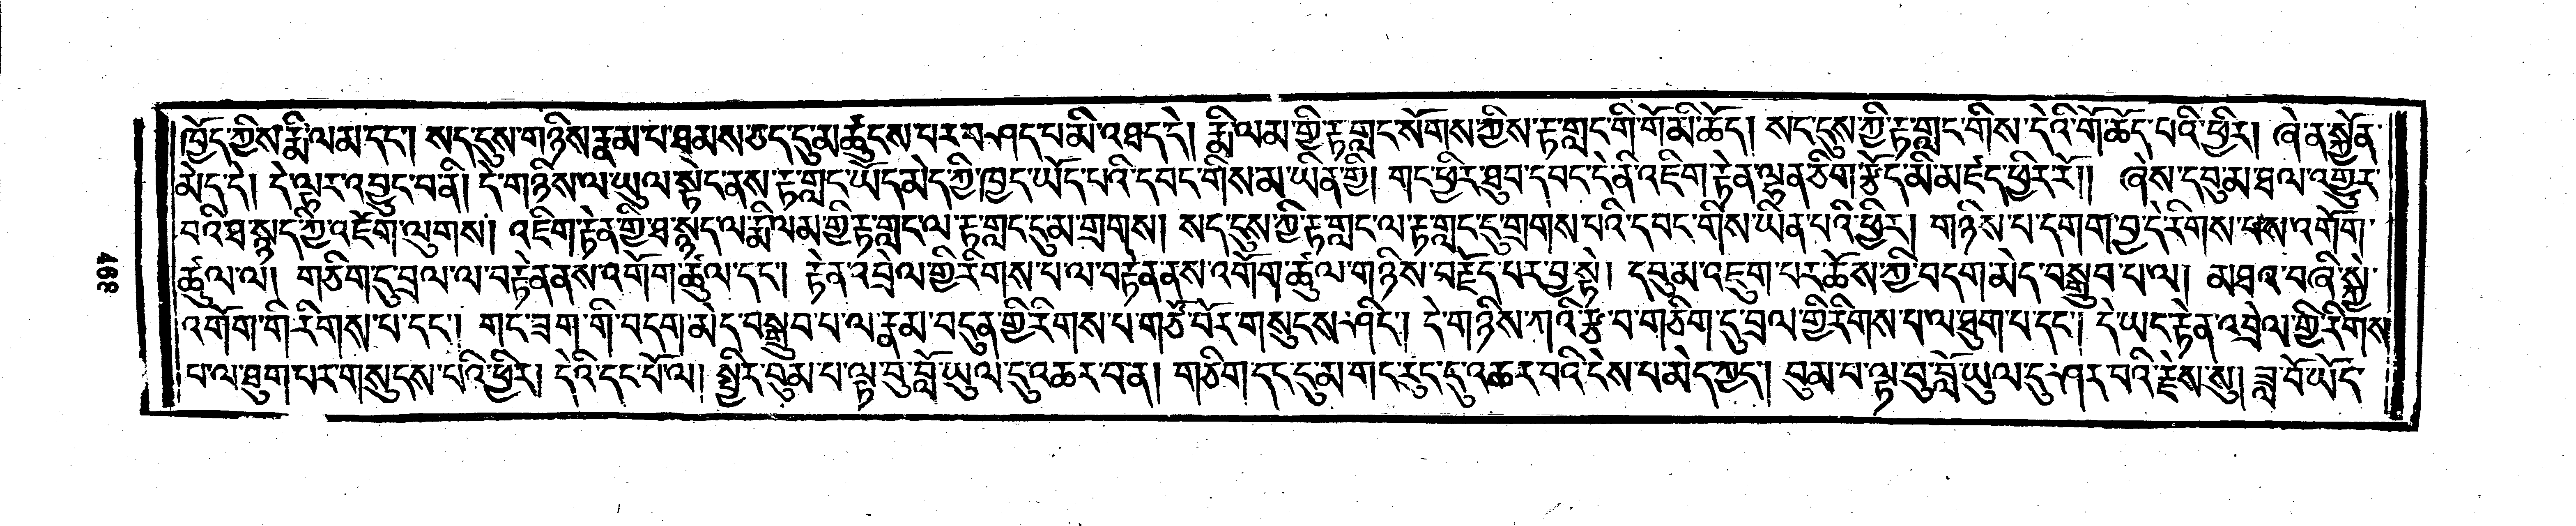ཁྱོད་ཀྱིས་རྨི་ལམ་དང་། སད་དུས་གཉིས་རྣམ་པ་ཐམས་ཅད་དུ་མཚུངས་པར་བཤད་པ་མི་འཐད་དེ། རྨི་ལམ་གྱི་རྟ་གླང་སོགས་ཀྱིས་རྟ་གླང་གི་གོ་མི་ཆོད། སང་དུས་ཀྱི་རྟ་གླང་གིས་དེའི་གོ་ཆོད་པའི་ཕྱིར། ཞེ་ན་སྐྱོན་
མེད་དེ། དེ་ལྟར་འབྱུང་བ་ནི། དེ་གཉིས་ལ་ཡུལ་སྟེང་ནས་རྟ་གླང་ཡོད་མེད་ཀྱི་ཁྱད་ཡོད་པའི་དབང་གིས་མ་ཡིན་གྱི། གང་ཕྱིར་ཐུབ་དབང་དེ་ནི་འཇིག་རྟེན་ལྷན་ཅིག་རྩོད་མི་མཛད་ཕྱིར་རོ། །ཞེས་དབུ་མ་ཐལ་འགྱུར་
བའི་ཐ་སྙད་ཀྱི་འཇོག་ལུགས། འཇིག་རྟེན་གྱི་ཐ་སྙད་ལ་རྨི་ལམ་གྱི་རྟ་གླང་ལ་རྟ་གླང་དུ་མ་གྲགས། སད་དུས་ཀྱི་རྟ་གླང་ལ་རྟ་གླང་དུ་གྲགས་པའི་དབང་གིས་ཡིན་པའི་ཕྱིར། གཉིས་པ་དགག་བྱ་དེ་རིགས་པས་འགོག་
ཚུལ་ལ། གཅིག་དུ་བྲལ་ལ་བརྟེན་ནས་འགོག་ཚུལ་དང་། རྟེན་འབྲེལ་གྱི་རིགས་པ་ལ་བརྟེན་ནས་འགོག་ཚུལ་གཉིས་བརྗོད་པར་བྱ་སྟེ། དབུ་མ་འཇུག་པར་ཆོས་ཀྱི་བདག་མེད་བསྒྲུབ་པ་ལ། མཐའ་བཞི་སྐྱེ་
འགོག་གི་རིགས་པ་དང་། གང་ཟག་གི་བདག་མེད་བསྒྲུབ་པ་ལ་རྣམ་བདུན་གྱི་རིགས་པ་གཙོ་བོར་གསུངས་ཤིང་། དེ་གཉིས་ཀའི་རྩ་བ་གཅིག་དུ་བྲལ་གྱི་རིགས་པ་ལ་ཐུག་པ་དང་། དེ་ཡང་རྟེན་འབྲེལ་གྱི་རིགས་
པ་ལ་ཐུག་པར་གསུངས་པའི་ཕྱིར། དེའི་དང་པོ་ལ། སྤྱིར་བུམ་པ་ལྟ་བུ་བློ་ཡུལ་དུ་འཆར་བ་ན། གཅིག་དང་དུ་མ་གང་རུང་དུ་འཆར་བའི་ངེས་པ་མེད་ཀྱང་། བུམ་པ་ལྟ་བུ་བློ་ཡུལ་དུ་ཤར་བའི་རྗེས་སུ། ཟླ་བོ་ཡོད་